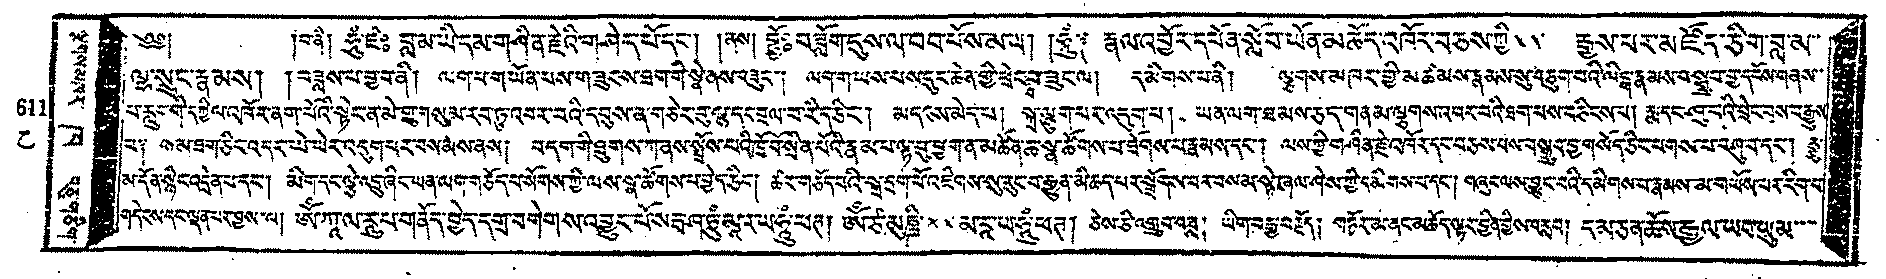༄༅། །བ་ནི།  ཧཱུཾ་ཛཿ བླ་མ་ཡི་དམ་གཤིན་རྗེའི་གཤེད་པོ་དང་། །ནས།  བྷྱོཿབཟློག་དུས་ལ་བབ་པོ་ས་མ་ཡ། །ཧཱུཾ༑ རྣལ་འབྱོར་དཔོན་སློབ་ཡོན་མཆོད་འཁོར་བཅས་ཀྱི་྾྾་རྒྱས་པར་མཛོད་ཅིག་བླ་མ་་་
ལྷ་སྲུང་རྣམས། །བཟླས་པ་བྱ་བ་ནི། ལག་པ་གཡོན་པས་གཟུངས་ཐག་གི་སྣེ་ནས་བཟུང་། ལག་གཡས་པས་དུང་ཆེན་གྱི་ཕྲེང་བ་བཟུང་ལ། དམིགས་པ་ནི། ལྕགས་མཁར་གྱི་མཚམས་རྣམས་སུ་བཅུག་པའི་ལིངྒ་རྣམས་བསྒྲུབ་བྱ་དངོས་གནས་་་
པ་རླུང་གི་དཀྱིལ་འཁོར་ནག་པོའི་སྟེང་ན་མེ་གྲུ་གསུམ་རབ་ཏུ་འབར་བའི་དབུས་ན་གཅེར་བུ་ལྷ་དང་བྲལ་བ་རིད་ཅིང་། མདངས་མེད་པ། སྐྲ་ལྷུག་པར་འདུག་པ། ཡན་ལག་ཐམས་ཅད་གནམ་ལྕགས་འབར་བའི་ཐག་པས་བཅིངས་པ། རྨ་དང་ཤུ་བའི་ཕྲེང་བས་བརྒྱུས་
པ༑ ཉམ་ཐག་ཅིང་འདར་ཡེ་ཡེར་འདུག་པར་བསམས་ནས། བདག་གི་ཐུགས་ཀ་ནས་སྤྲོས་པའི་ཁྲོ་བོ་སྲིན་པོའི་རྣམ་པ་ལྟ་བུ་ཕྱག་ན་མཚོན་ཆ་སྣ་ཚོགས་པ་ཐོགས་པ་རྣམས་དང་། ལས་ཀྱི་གཤིན་རྗེ་འཁོར་དང་བཅས་པས་བསྒྲུབ་བྱ་གསོད་ཅིང་པགས་པ་བཤུ་བ་དང་། རྒྱུ་
མ་དོན་སྙིང་འདྲེན་པ་དང་། མིག་དང་ལྕེ་འབྲུ་ཞིང་ཡན་ལག་གཅོད་པ་སོགས་ཀྱི་ལས་སྣ་ཚོགས་པ་བྱེད་ཅིང་། ཚར་གཅོད་པའི་སྒྲ་དྲག་པོ་འཇིགས་སུ་རུང་བ་རྒྱུན་མི་ཆད་པར་སྒྲོགས་པར་བསམ་སྟེ་ཞལ་ཤེས་ཀྱི་དམིགས་པ་དང་། གཞུང་ལས་བྱུང་བའི་དམིགས་པ་རྣམས་མ་གཡོས་པར་རིག་པ་
གདེངས་དང་ལྡན་པར་བྱས་ལ། ཨོཾ་ཀཱ་ལ་རཱུ་པ་གནོད་བྱེད་དགྲ་བགེགས་འབྱུང་པོ་སརྦ་ཤ་ཏྲུཨཾ་མཱ་ར་ཡ་ཧཱུཾ་ཕཊ། ཨོཾ་ཙ་མུཎྜི་྾྾་མ་རཱ་ཡ་ཧཱུཾ་ཕཊ། ཅེས་ཅི་འགྲུབ་བཟླ། ཡིག་བརྒྱ་བརྗོད། གཏོར་མ་ནང་མཆོད་ལྟར་བྱིན་གྱིས་བརླབ།  དམ་ཅན་ཆོས་རྒྱལ་ཡབ་ཡུམ་་་